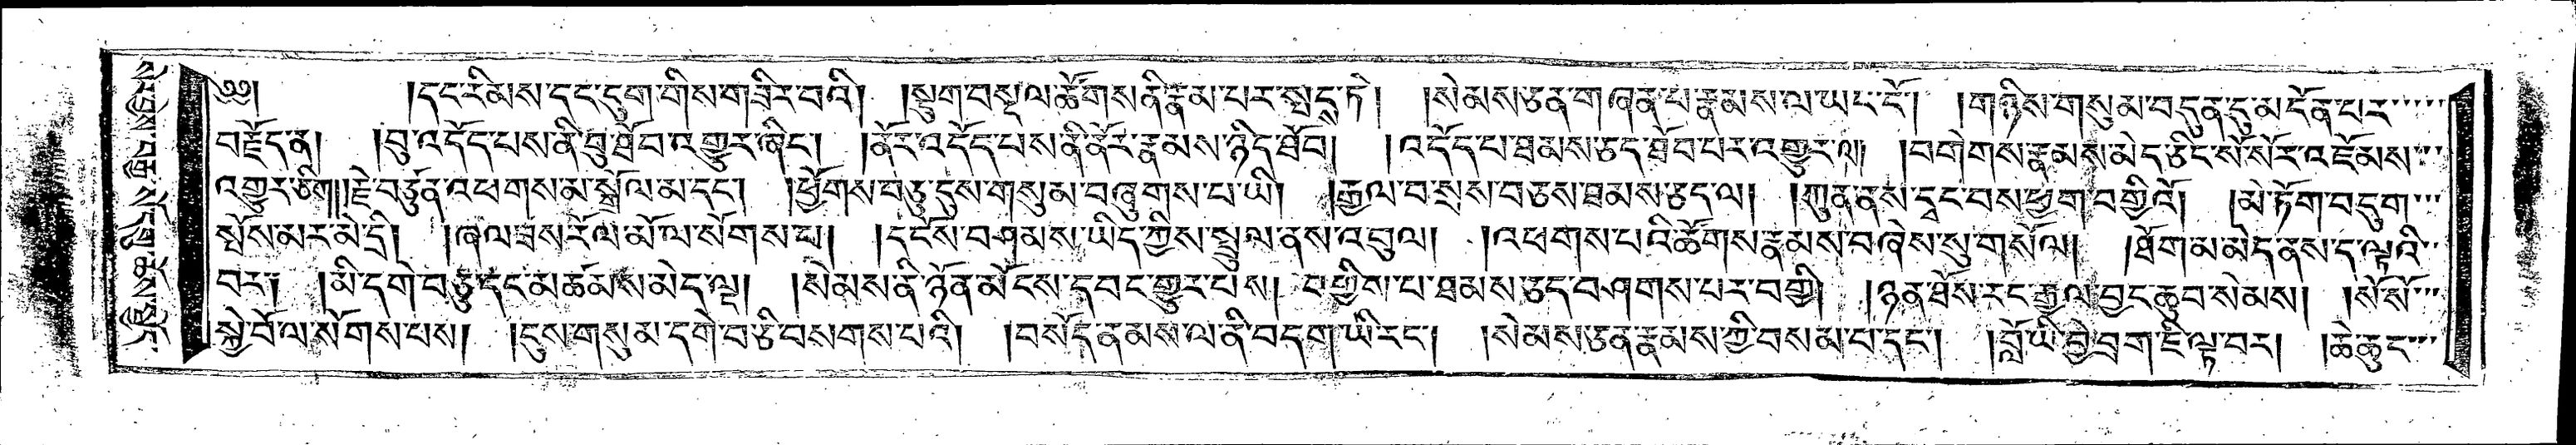༄༅། །དང་རིམས་དང་དུག་གིས་གཟིར་བའི། །སྡུག་བསྔལ་ཚོགས་ནི་རྣམ་པར་སྤངས་ཏེ། །སེམས་ཅན་གཞན་པ་རྣམས་ལ་ཡང་ངོ། །གཉིས་གསུམ་བདུན་དུ་མངོན་པར་
བརྗོད་ན། །བུ་འདོད་པས་ནི་བུ་ཐོབ་འགྱུར་ཞིང་། །ནོར་འདོད་པས་ནི་ནོར་རྣམས་ཉིད་ཐོབ། །འདོད་པ་ཐམས་ཅད་ཐོབ་པར་འགྱུར་ལ། །བགེགས་རྣམས་མེད་ཅིང་སོ་སོར་འཇོམས་
འགྱུར་ཅིག །རྗེ་བཙུན་འཕགས་མ་སྒྲོལ་མ་དང་། །ཕྱོགས་བཅུ་དུས་གསུམ་བཞུགས་པ་ཡི། །རྒྱལ་བ་སྲས་བཅས་ཐམས་ཅད་ལ། །ཀུན་ནས་དྭང་བས་ཕྱག་བགྱིའོ། །མེ་ཏོག་བདུག་
སྤོས་མར་མེ་དྲི། །ཞལ་ཟས་རོལ་མོ་ལ་སོགས་པ། །དངོས་བཤམས་ཡིད་ཀྱིས་སྤྲུལ་ནས་འབུལ། །འཕགས་པའི་ཚོགས་རྣམས་བཞེས་སུ་གསོལ། །ཐོག་མ་མེད་ནས་ད་ལྟའི་
བར༑ །མི་དགེ་བཅུ་དང་མཚམས་མེད་ལྔ། །སེམས་ནི་ཉོན་མོངས་དབང་གྱུར་པས། །བགྱིས་པ་ཐམས་ཅད་བཤགས་པར་བགྱི། །ཉན་ཐོས་རང་རྒྱལ་བྱང་ཆུབ་སེམས། །སོ་སོ་
སྐྱེ་བོ་ལ་སོགས་པས། །དུས་གསུམ་དགེ་བ་ཅི་བསགས་པའི། །བསོད་ནམས་ལ་ནི་བདག་ཡི་རང་། །སེམས་ཅན་རྣམས་ཀྱི་བསམ་པ་དང་། །བློ་ཡི་བྱེ་བྲག་ཇི་ལྟ་བར། །ཆེ་ཆུང་